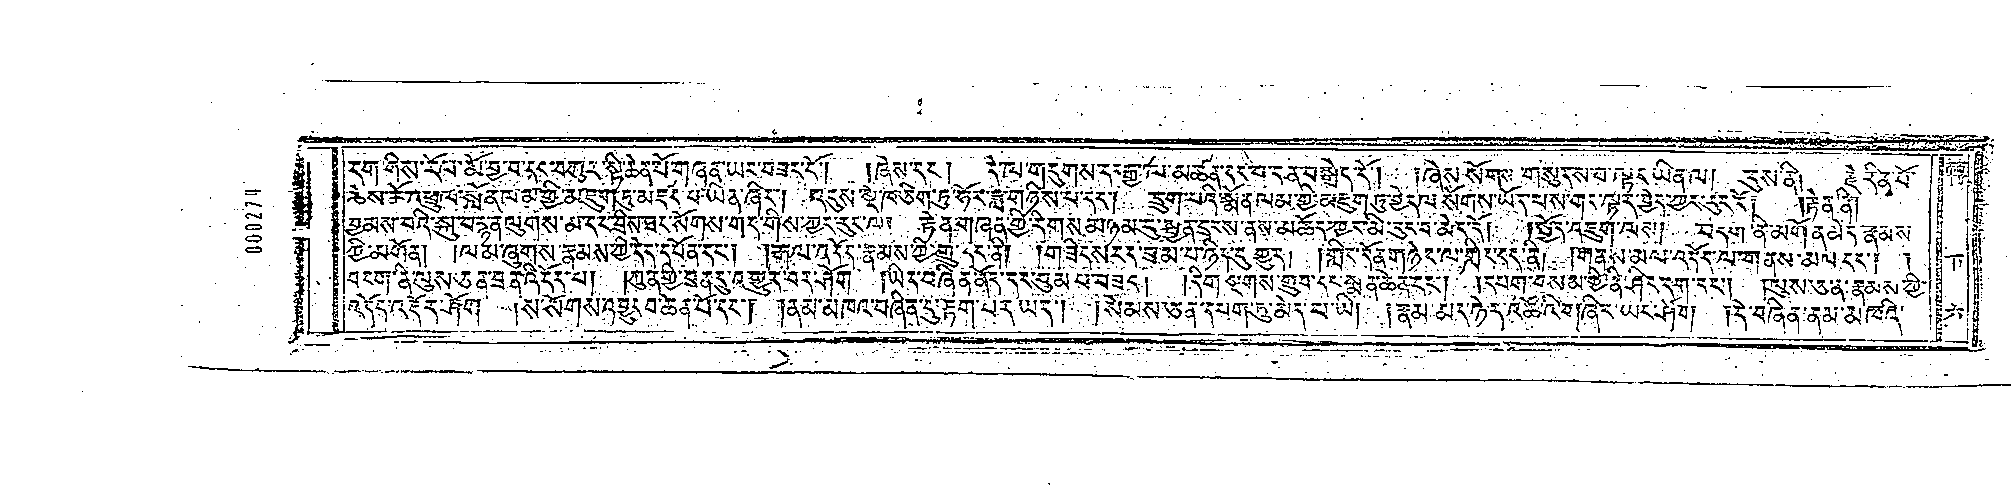དག་གིས་རོལ་མོ་བྱ་བ་དང་བཀུར་སྟི་ཆེན་པོ་གཞན་ཡང་བཟང་དོ། །ཞེས་དང་། དེ་ལ་གདུགས་དང་རྒྱལ་མཚན་དང་བ་དན་བསྒྲེད་དོ། །ཞེས་སོགས་གསུངས་བ་ལྟར་ཡིན་ལ། དུས་ནི། རྗེ་རིན་པོ་
ཆེས་ཆོ་འཕྲུལ་སྨོན་ལམ་གྱི་མཇུག་ཏུ་མཛད་པ་ཡིན་ཞིང་། འདུས་སྡེ་ཁ་ཅིག་ཏུ་ཧོར་ཟླ་གཉིས་པ་དང་། དྲུག་པའི་སྨོན་ལམ་གྱི་མཇུག་ཏུ་བྱེད་ལ་སོགས་ཡོད་པས་གང་ལྟར་བྱེད་ཀྱང་རུང་ངོ། །རྟེན་ནི།
བྱམས་པའི་སྐུ་བརྙན་ལུགས་མ་དང་བྲིས་ཐང་སོགས་གང་གིས་ཀྱང་རུང་ལ། རྟེན་གཞན་གྱི་རིགས་མཉམ་དུ་སྦྱན་དྲངས་ནས་མཆོད་ཀྱང་མི་དྲུང་བ་མེད་དོ། །སྤྱོད་འཇུག་ལས། བདག་ནི་མགོན་མེད་རྣམས་
ཀྱི་མགོན། །ལམ་ཞུགས་རྣམས་ཀྱི་དེད་དཔོན་དང་། །རྒལ་འདོད་རྣམས་ཀྱི་གྲུ་དང་ནི། །གཟིངས་དང་ཟམ་པ་ཉིད་དུ་གྱུར། །གླིང་དོན་གཉེང་ལ་གླིང་དད་ནི། །གནས་མལ་འདོད་ལ་གནས་མལ་དང་། །
བདག་ནི་ལུས་ཅན་བྲན་འདོད་པ། །ཀུན་གྱི་བྲན་དུ་འགྱུར་བར་ཤོག །ཡིད་བཞིན་ནོར་དང་བུམ་པ་བཟང་། །རིག་སྔགས་གྲུབ་དང་སྨན་ཆེན་དང་། །དཔག་བསམ་གྱི་ནི་ཤིང་དག་དང་། །ལུས་ཅན་རྣམས་ཀྱི་
འདོད་འཇོར་ཤོག །ས་སོགས་འབྱུང་བ་ཆེན་པོ་དང་། །ནམ་མཁའ་བཞིན་དུ་རྟག་པར་ཡང་། །སེམས་ཅན་དཔག་ཏུ་མེད་པ་ཡི། །རྣམ་མང་ཉེར་འཆོའི་གཞིར་ཡང་ཤོག །དེ་བཞིན་ནམ་མཁའི་